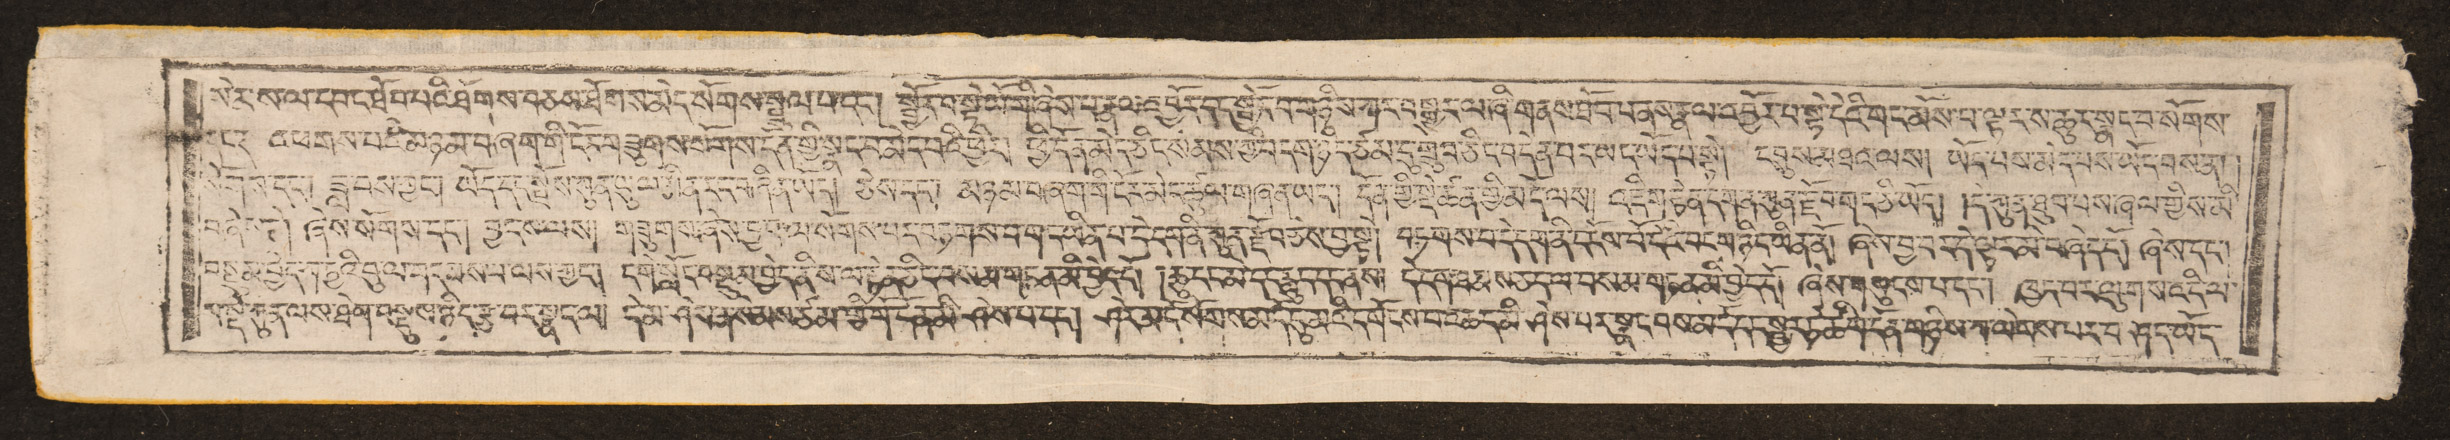སེམས་ལ་དབང་ཐོབ་པའི་ཐོགས་བཅས་ཐོགས་མེད་སོགས་སྦྲུལ་པ་དང་། སྦྱོར་བ་སྟེ་ཡོ་གི་ཞེས་པ་རྣལ་འབྱོར་དང་སྦྱོར་བ་གཉིས་ཀར་བསྒྱུར་ལ་ཞི་གནས་ཐོབ་པ་ནས་རྣལ་འབྱོར་བ་སྟེ་དེའི་གང་མོས་པ་ལྟར་ས་ཆུར་སྣང་བ་སོགས་
དང༑ འཕགས་པའི་མཉམ་བཞག་གི་ངོར་གཟུགས་སོགས་དོན་གྱི་སྣང་བ་མེད་པའི་ཕྱིར། ཕྱི་དོན་མེད་ཅིང་སེམས་ཀྱི་བདག་ཉིད་ཙམ་དུ་གྲུབ་ཅིང་བདེན་པར་ཡང་ཡོད་པ་སྟེ། དབུས་མཐའ་ལས། ཡོད་པས་མེད་པས་ཡོང་བས་ན། །
སོགས་དང་། ཟླ་བས་ཀྱང་། ཡོད་དང་སྦྲོས་ཀུན་ཡུལ་མིན་རང་བཞིན་ཡོད། ཅེས་དང་། མཉམ་བཞག་གི་ངོར་མེད་ཚུལ་གཞན་ཡང་། དོན་གྱི་སྡེ་ཚན་གྱི་མདོ་ལས། འཇིག་རྟེན་དག་ན་ཀུན་རྫོབ་གང་ཅི་ཡོད། །དེ་ཀུན་ཐུབ་པས་ཞལ་གྱིས་མི་
བཞེས་ཏེ། ཞེས་སོགས་དང་། བྱང་ས་ལས། གཟུགས་ཞེས་བྱ་བ་ལ་སོགས་པར་བཏགས་པ་གང་ཡིན་པ་དེ་དག་ནི་ཀུན་རྫོབ་ཅེས་བྱ་སྟེ། བཏགས་པ་དེ་དག་ནི་དངོས་པོ་དེའི་བདག་ཉིད་ཡིན་ནོ། ཞེས་བྱ་བར་དེ་ལྟར་མི་བཞེད་དོ། ཞེས་དང་།
བསྡུམ་བྱེད་ཀ་ཏྱའི་བུ་ལ་གདམས་པ་ལས་ཀྱང་། དགེ་སློང་བསྡུམ་བྱེད་ནི་ས་ལ་རྟེན་ཅིང་བ་སམ་གཏན་མི་བྱེད་དོ། །ཆུ་དང་མེ་དང་རླུང་དང་ནས། དེ་དག་ཐམས་ཅད་ལ་བསམ་གཏན་མི་བྱེད་དོ། ཞེས་གསུངས་པ་དང་། ཁྱད་པར་ལུགས་འདི་ལ་
ས་སྡེ་ཀུན་ལས་ཐེག་བསྡུས་ཉིད་རྩ་བར་སྣང་ལ། དེ་མ་ཤེས་ན་སེམས་ཙམ་གྱི་གོ་དོན་མི་ཤེས་པ་དང་། ཤེར་མདོ་སོགས་མདོ་དུ་མའི་དགོངས་པ་འཆད་མི་ཤེས་པར་སྣང་བས་མདོ་དང་སྦྱར་ཏེ་ཚིག་དོན་གཉིས་ཀ་ལེགས་པར་བཤད་ཡོད་